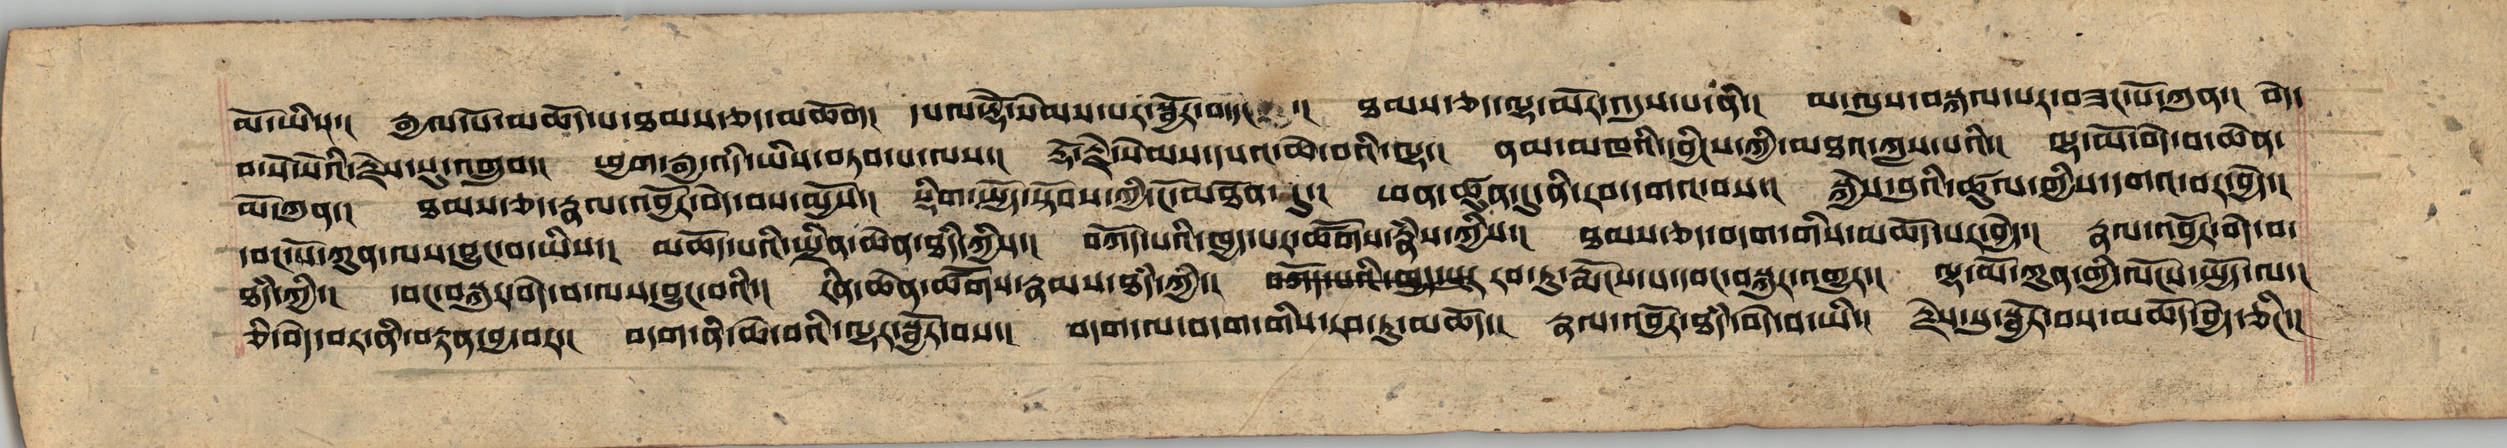མོ་ཡིས་། རྒྱལ་པོ་མཆོད་པ་ཐམས་ཅད་མཆོག། དཔལ་རྡོེ་སེམས་པར་སྦྱོར་བ་དང་། ཐམས་ཅད་ལྷ་མོར་འདུས་པ་ནི་། མ་ལུས་བསྐལ་པར་བཟང་པོ་ཀུན་། བདེ་
བ་སོ་སོའི་རྗེས་སུ་འགྲུབ་། ཕྱག་རྒྱ་འདི་ཡིས་བཏབ་པ་ལས་། རྡོ་རྗེ་སེམས་དཔའ་ཆེ་བའི་ལྷ་། ནམ་མཁའི་དབྱིངས་ཀྱི་མཐའ་ཀླས་པའི་། ལྷ་མོ་བདེ་བ་ཆེན་
མོ་ཀུན་། ཐམས་ཅད་རྣལ་འབྱོར་བདེ་བས་མྱོས་། སྡིག་སྤྱོད་སྟོབས་ཀྱི་ངོ་མཐོན་དུ་། ཕན་ཚུན་དུ་ནི་རབ་དགའ་བས་། སྐྱེས་བུའི་ཚུལ་གྱིས་དགའ་བར་བྱེད་།
དབང་པོ་ཀུན་ལས་བྱུང་བ་ཡིས་། མཆོད་པའི་སྤྲིན་ཆེན་ཐཾད་ཀྱིས་། བཀོད་པའི་ཁྱད་པར་ཚོགས་རྣཾས་ཀྱིས་། ཐམས་ཅད་བདག་གིས་མཆོད་པར་བྱེད་། རྣལ་འབྱོར་བདེ་བ་
ཐཾད་ཀྱི་། དབང་བསྐུར་བདེ་བ་ལས་བྱུང་བའི་། རིན་ཆེན་ཚོགས་རྣམས་ཐཾད་ཀྱི་། བཀོད་པའི་ཁྱད་པར་ རབ་ཏུ་རྨོངས་པ་དབང་བསྐུར་འགྱུར་། ལྷ་མོ་ཀུན་གྱི་ལོངས་སྤྱོད་ལ་།
ཅི་བདེ་བར་ནི་བརྟན་བྱ་བར་། བདག་ནི་ཆེ་བའི་ལྷར་སྦྱོར་བས་།། བདག་ལ་བདག་གིས་རབ་ཏུ་མཆོད་། རྣལ་འབྱོར་ཐཾད་བདེ་བ་ཡི་། རྗེས་སུ་སྦྱོར་བས་མཆོད་བྱེད་ཅིང་།